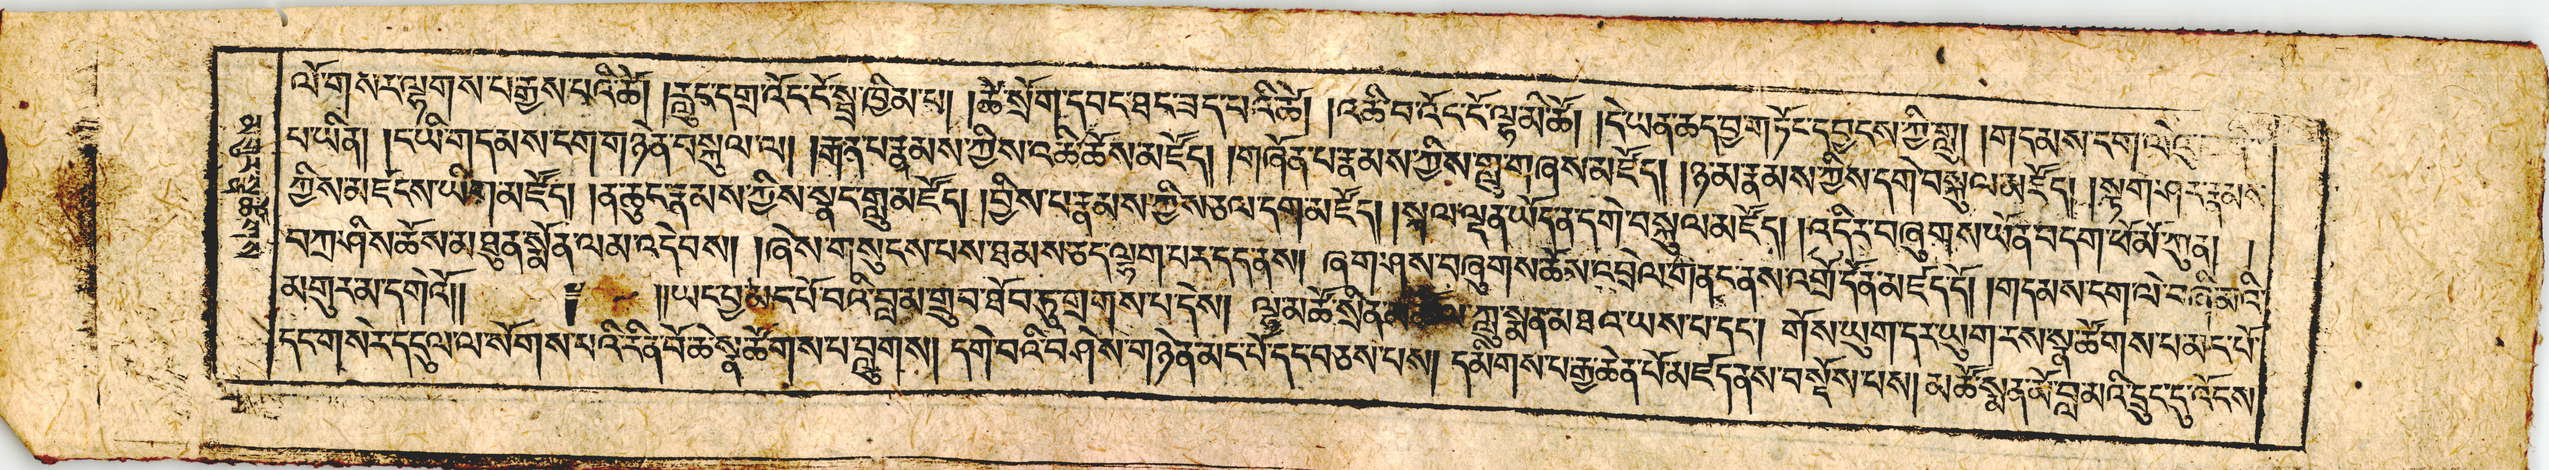ལོ་གསར་ལྷགས་པ་རྒྱས་པའི་ཚེ། །རླུང་དགྲ་འོང་ངོ་སྦྲ་ཁྱིམ་པ། །ཚེ་སྲོག་དབང་ཐང་ཟད་པའི་ཚེ། །འཆི་བ་འོང་ངོ་ལྷ་མི་ཚོ། །དེ་ཡན་ཆད་བྱ་གཏོང་དབྱངས་ཀྱི་གླུ། །གདམས་ངག་ལེའུ་བཞི་
པ་ཡིན། །ང་ཡི་གདམས་ངག་གཉེན་བསྐུལ་ལ། །རྒན་པ་རྣམས་ཀྱིས་འཆི་ཆོས་མཛོད། །གཞོན་པ་རྣམས་ཀྱིས་གླུ་གཞས་མཛོད། །ཉ་མ་རྣམས་ཀྱིས་དགེ་བསྐུལ་མཛོད། །སྟག་ཤར་རྣམས་
ཀྱིས་མཛངས་ཡིག་མཛོད། །ན་ཆུང་རྣམས་ཀྱིས་སྣང་གླུ་མཛོད། །བྱས་པ་རྣམས་ཀྱིས་ཅལ་དག་མཛོད། །སྐལ་ལྡན་ཡོད་ན་དགེ་བསྐུལ་མཛོད། །འདིར་བཞུགས་ཡོན་བདག་ཕ་མ་ཀུན། །
བཀྲ་ཤིས་ཆོས་མཐུན་སྨོན་ལམ་འདེབས། །ཞེས་གསུངས་པས་ཐམས་ཅད་ལྷག་པར་དད་ནས། ཞག་ཤས་བཞུགས་ཆོས་འབྲེལ་གནང་ནས་འགྲོ་དོན་མཛད་དོ། །གདམས་ངག་ལེ་བཞི་མའི་
མགུར་མ་དགེའོ།། ཡང་བྱ་མང་པོ་བའི་བླ་མ་གྲུབ་ཐོབ་ཏུ་གྲགས་པ་དེས། ལྷ་མཚོ་སྲིན་མཚོ་ལ་ཀླུ་སྨན་མཐའ་ཡས་པ་དང་། གོས་ཡུག་དར་ཡུག་རས་སྣ་ཚོགས་པ་མང་པོ་
དང་གསེར་དངུལ་ལ་སོགས་པའི་རིན་པོ་ཆེ་སྣ་ཚོགས་པ་བླུགས། དགེ་བའི་བཤེས་གཉེན་མང་པོ་དང་བཅས་པས། དམིགས་པ་རྒྱ་ཆེན་པོ་མཛད་ནས་བསྔོས་པས། མཚོ་སྨན་མོ་བླ་མའི་དྲུང་དུ་འོངས་